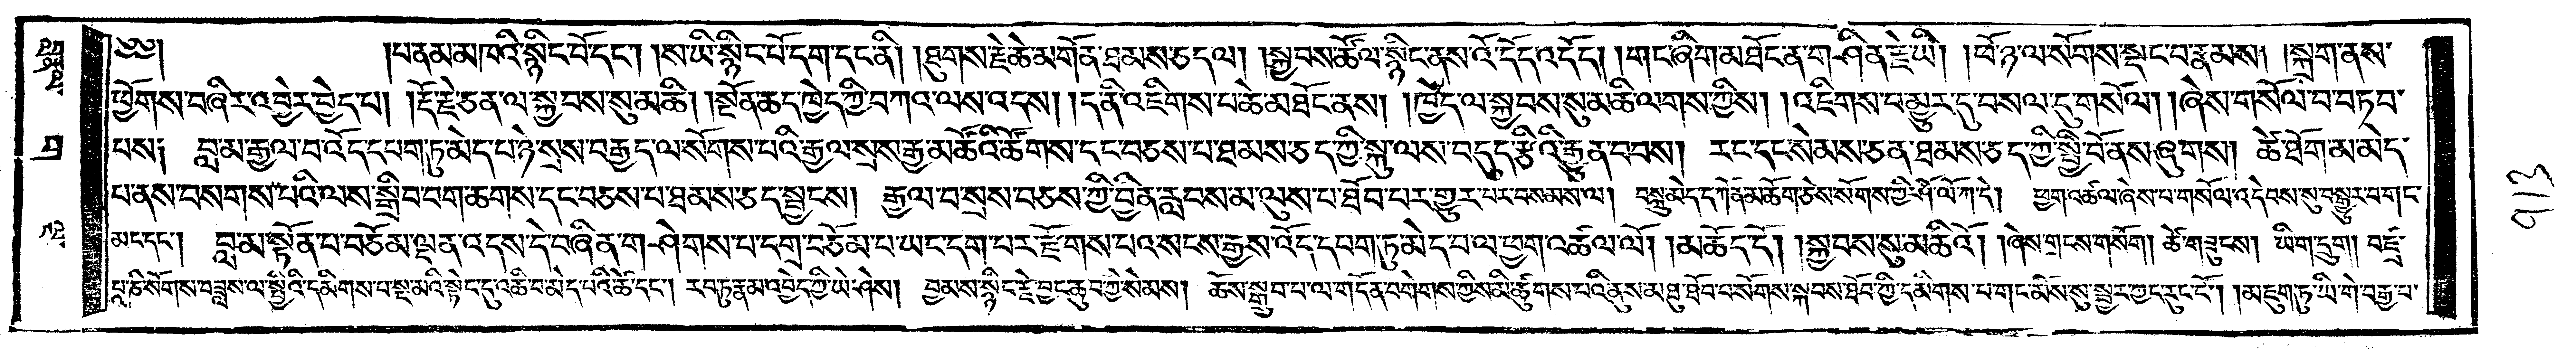༄༅། །པ་ནམ་མཁའི་སྙིང་བོ་དང་། །ས་ཡི་སྙིང་བོ་དག་དང་ནི། །ཐུགས་རྗེ་ཆེ་མགོན་ཐམས་ཅད་ལ། །སྐྱབས་ཚོལ་སྙིང་ནས་འོ་དོད་འདོད། །གང་ཞིག་མཐོང་ན་གཤིན་རྗེ་ཡི། །ཕོ་ཉལ་སོགས་སྡང་བ་རྣམས། །སྐྲག་ནས་
ཕྱོགས་བཞིར་འབྱེར་བྱེད་པ། །རྡོ་རྗེ་ཅན་ལ་སྐྱབས་སུ་མཆི། །སྔོན་ཆད་ཁྱེད་ཀྱི་བཀའ་ལས་འདས། །ད་ནི་འཇིགས་པ་ཆེ་མཐོང་ནས། །ཁྱེད་ལ་སྐྱབས་སུ་མཆི་ལགས་ཀྱིས། །འཇིགས་པ་མྱུར་དུ་བསལ་དུ་གསོལ། །ཞེས་གསོལ་བ་བཏབ་
པས། བླ་མ་རྒྱལ་བ་འོད་དཔག་ཏུ་མེད་པ་ཉེ་སྲས་བརྒྱད་ལ་སོགས་པའི་རྒྱལ་སྲས་རྒྱ་མཚོའི་ཚོགས་དང་བཅས་པ་ཐམས་ཅད་ཀྱི་སྐུ་ལས་བདུད་རྩིའི་རྒྱུན་བབས། རང་དང་སེམས་ཅན་ཐམས་ཅད་ཀྱི་སྤྱི་བོ་ནས་ཞུགས། ཚེ་ཐོག་མ་མེད་
པ་ནས་བསགས་པའི་ལས་སྒྲིབ་བག་ཆགས་དང་བཅས་པ་ཐམས་ཅད་སྦྱངས། རྒྱལ་བ་སྲས་བཅས་ཀྱི་བྱིན་རླབས་མ་ལུས་པ་ཐོབ་པར་གྱུར་པར་བསམས་ལ། བསླུ་མེད་དཀོན་མཆོག་ཅེས་སོགས་ཀྱི་ཤོ་ལོ་ཀ་དེ། ཕྱག་འཚལ་ཞེས་པ་གསོལ་འདེབས་སུ་བསྒྱུར་པ་གང་
མང་དང་། བླ་མ་སྟོན་པ་བཅོམ་ལྡན་འདས་དེ་བཞིན་གཤེགས་པ་དགྲ་བཅོམ་པ་ཡང་དག་པར་རྫོགས་པའི་སངས་རྒྱས་འདོད་དཔག་ཏུ་མེད་པ་ལ་ཕྱག་འཚལ་ལོ། །མཆོད་དོ། །སྐྱབས་སུ་མཆིའོ། །ཞེས་གྲངས་གསོག། ཚེ་གཟུངས། ཡིག་དྲུག། བྫྲ་
པཱ་ཎི་སོགས་བཟླས་ལ་སྤྱིའི་དམིགས་བསྡ་མའི་སྟེང་དུ་འཆི་བ་མེད་པའི་ཚེ་དང་། རབ་ཏུ་རྣམ་འབྱེད་ཀྱི་ཡེ་ཤེས། བྱམས་སྙིང་རྗེ་བྱང་ཆུབ་ཀྱི་སེམས། ཆོས་སྒྲུབ་པ་ལ་གདོན་བགེགས་ཀྱིས་མི་ཚུགས་བའི་ནུས་མཐུ་ཐོབ་པ་སོགས་སྐབས་ཐོབ་ཀྱི་དམིགས་པ་གང་མོས་སུ་སྦྱར་ཀྱང་རུང་ངོ། །མཇུག་ཏུ་ཡི་གེ་བརྒྱ་པ་